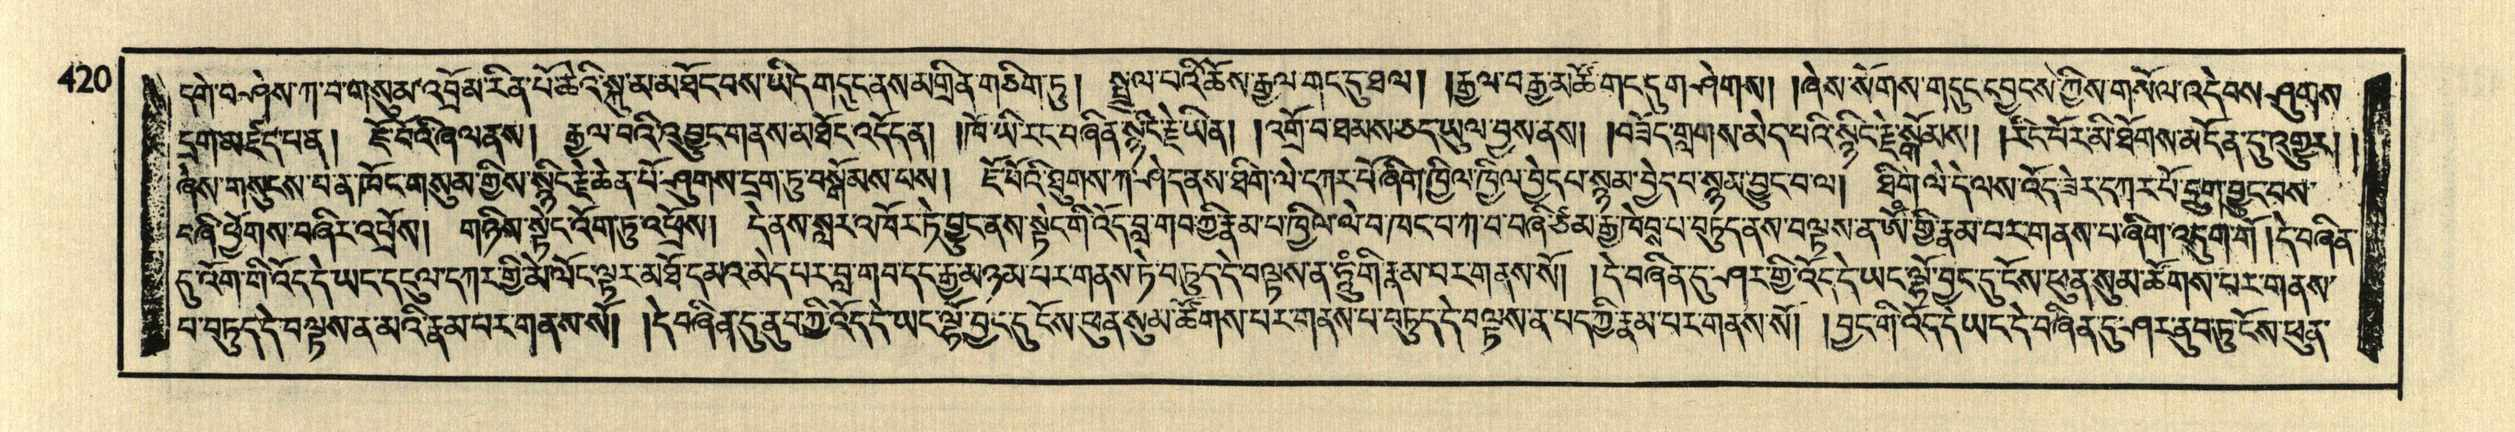དགེ་བཤེས་ཀ་བ་གསུམ་འབྲོམ་རིན་པོ་ཆེའི་སྐུ་མ་མཐོང་བས་ཡིད་གདུང་ནས་མགྲིན་གཅིག་ཏུ། སྤྲུལ་པའི་ཆོས་རྒྱལ་གང་དུ་ཐལ། །རྒྱལ་བརྒྱ་མཚོ་གང་དུ་གཤེགས། །ཞེས་སོགས་གདུང་དབྱངས་ཀྱིས་གསོལ་འདེབས་ཤུགས་
དྲག་མཛད་པ་ན། ཇོ་བོའི་ཞལ་ནས། རྒྱལ་བའི་འབྱུང་གནས་མཐོང་འདོད་ན། །ཁོ་ཡི་རང་བཞིན་སྙིང་རྗེ་ཡིན། །འགྲོ་བ་ཐམས་ཅད་ཡུལ་བྱས་ནས། །བཟོད་གླགས་མེད་པའི་སྙིང་རྗེ་སྒོམས། །རིང་པོར་མི་ཐོགས་མངོན་དུ་འགྱུར། །
ཞེས་གསུངས་པ་ན་ཁོང་གསུམ་གྱིས་སྙིང་རྗེ་ཆེན་པོ་ཤུགས་དྲག་ཏུ་བསྒོམས་པས། ཇོ་པོའི་ཐུགས་ཀ་ཤེད་ནས་ཐིག་ལེ་དཀར་པོ་ཞིག་ཁྱིལ་ཁྱིལ་བྱེད་པ་སྙམ་བྱེད་བ་སྙམ་བྱུང་བ་ལ། ཐིག་ལེ་དེ་ལས་འོད་ཟེར་དཀར་པོ་དྲུག་བྱུང་བས་
བཞི་ཕྱོགས་བཞིར་འཕྲོས། གཉིས་སྟེང་འོག་ཏུ་འཕྲོས། དེ་ནས་སླར་འཁོར་ཏེ་བྱུང་ནས་སྟེང་གི་འོད་བླ་གབ་ཀྱི་རྣམ་པ་ཁྱིལ་ལེ་བ་ཁང་བ་ཀ་བ་བཞི་ཙམ་རྒྱ་ཁེབས་པ་བཏུད་ནས་བལྟས་ན་ཨོཾ་གྱི་རྣམ་པར་གནས་པ་ཞིག་འདུག་གོ །དེ་བཞིན་
དུ་འོག་གི་འོད་དེ་ཡང་དངུལ་དཀར་གྱི་མེ་ལོང་ལྟར་མཐོ་དམའ་མེད་པར་བླ་གབ་དང་རྒྱ་མཉམ་པར་གནས་ཏེ་བཏུད་དེ་བལྟས་ན་ཧཱུཾ་གི་རྣམ་པར་གནས་སོ། །དེ་བཞིན་དུ་ཤར་གྱི་འོད་དེ་ཡང་ལྷོ་བྱང་དུ་ངོས་ཕུན་སུམ་ཚོགས་པར་གནས་
བ་བཏུད་དེ་བལྟས་ན་མའི་རྣམ་པར་གནས་སོ། །དེ་བཞིན་དུ་ནུབ་ཀྱི་འོད་དེ་ཡང་ལྷོ་བྱང་དུ་ངོས་ཕུན་སུམ་ཚོགས་པར་གནས་པ་བཏུད་དེ་བལྟས་ན་པད་ཀྱི་རྣམ་པར་གནས་སོ། །བྱང་གི་འོད་དེ་ཡང་དེ་བཞིན་དུ་ཤར་ནུབ་ཏུ་ངོས་ཕུན་